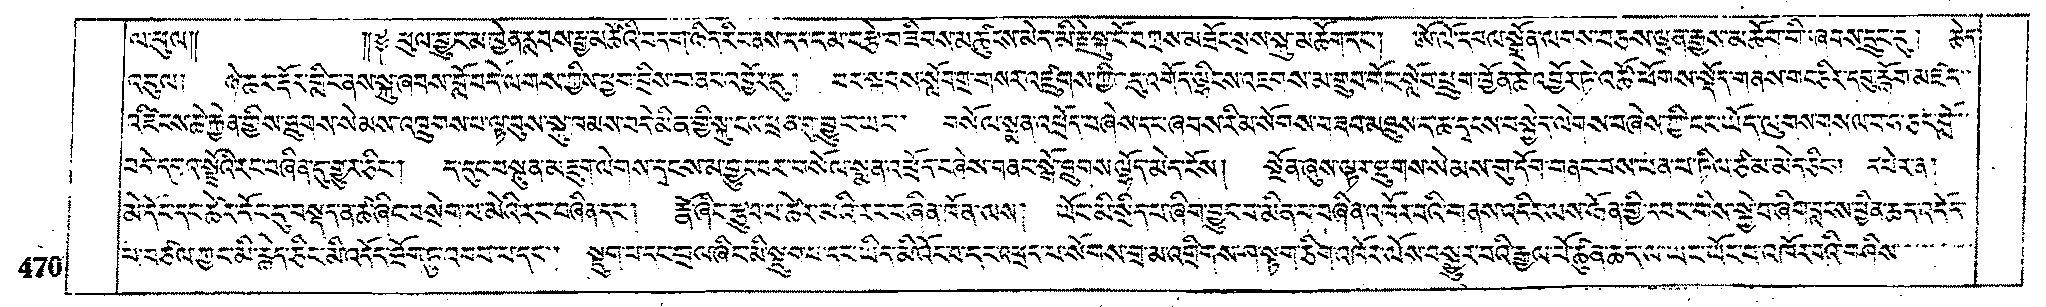ལ་ཕུལ།། །།འ་ཕུལ་བྱུང་མཁྱེན་རླབས་རྒྱ་མཚོའི་བདག་ཉིད་རིང་ནས་དད་དམ་བརྩེ་གཟིགས་མཚུངས་མེད་མི་རྗེ་སྐུ་ངོ་བཀྲས་མཐོང་སྲས་སྐུ་མཆོག་དང་། ཨོ་ལོ་དཔལ་སྒྲོན་ལགས་བཅས་ལྷན་རྒྱས་མཆོག་གི ༧ཞབས་དྲུང་དུ། ཆེད་
འབུལ། ཉེ་ཆར་རྡོར་གླིང་ནས་སྐུ་ཞབས་བློ་བདེ་ལགས་ཀྱིས་ཕྱག་བྲིས་གནང་འབྱོར་དུ། བར་སྐབས་སློབ་གྲ་གསར་འཛུགས་ཀྱི་འདུ་འགོད་ལྷིངས་འཇགས་མ་གྲུབ་གོང་སློབ་ཕྲུག་ཁྱོན་ཆེ་འབྱོར་ཏེ་འཚོ་ཕོགས་སྡོད་གནས་གང་ཅིར་དབུ་རྙོག་མཛད་་་
འཛིངས་ཆེ་རྐྱེན་གྱིས་ཐུགས་སེམས་འཁྲུགས་པ་ལྟ་བུས་སྐུ་ཁམས་བདེ་མིན་གྱི་སྐུ་ངལ་ཕྲན་བུ་བྱུང་ཡང་། གསོལ་སྨན་འཕྲོད་བཞེས་དང་ཞབས་རིམ་སོགས་གཟབ་མཐུས་ད་ཆ་དྭངས་བསྐྱེད་ལེགས་བཞེས་ཀྱི་ངང་ཡོད་ལུགས་གསལ་བ་ཧ་ཅང་བློ་་་
བདེ་དགའ་སྤྲོའི་རང་བཞིན་དུ་གྱུར་ཅིང་། ད་དུང་བསྙུན་མཇུག་ལེགས་དྭངས་མ་བྱུང་བར་གསོལ་སྨན་འཕྲོད་བཞེས་གནང་སྒོ་ཐུགས་ལྷོད་མེད་ངོས། སྔོན་ཞུས་ལྟར་ཐུགས་སེམས་གུ་དོག་གང་བས་ཕན་པ་ཏིལ་ཙམ་མེད་ཅིང་། དཔེར་ན།
མེ་དོང་དང་ཚེར་དོང་དུ་བསྡད་ན་ཚ་ཞིང་བསྲེག་པ་མེའི་རང་བཞིན་དང་། རྣོ་ཞིང་རྩུབ་པ་ཚེར་མའི་རང་བཞིན་ཁོ་ན་ལས། ཡོང་མི་སྲིད་པ་ཞིག་བྱུང་བ་མིན་པ་བཞིན་འཁོར་བའི་གནས་འདིར་ལས་ཉོན་གྱི་དབང་གིས་སྐྱེ་བ་ཞིག་བླངས་ཕྱིན་ཆད་འདོད་
པ་བཙལ་ཀྱང་མི་རྙེད་ཅིང་མི་འདོད་ཐོག་ཏུ་འབབ་པ་དང་། སྡུག་པ་དང་བྲལ་ཞིང་མི་སྡུག་པ་དང་ཡིད་མི་འོང་བ་དང་འཕྲད་པ་སོགས་གྲ་མ་འགྲིགས་ཤ་སྟག་ཅིག་འཁོར་ལོས་བསྒྱུར་བའི་རྒྱལ་པོ་ཚུན་ཆད་ལ་ཡང་ཡོང་བ་འཁོར་བའི་གཤིས་་་